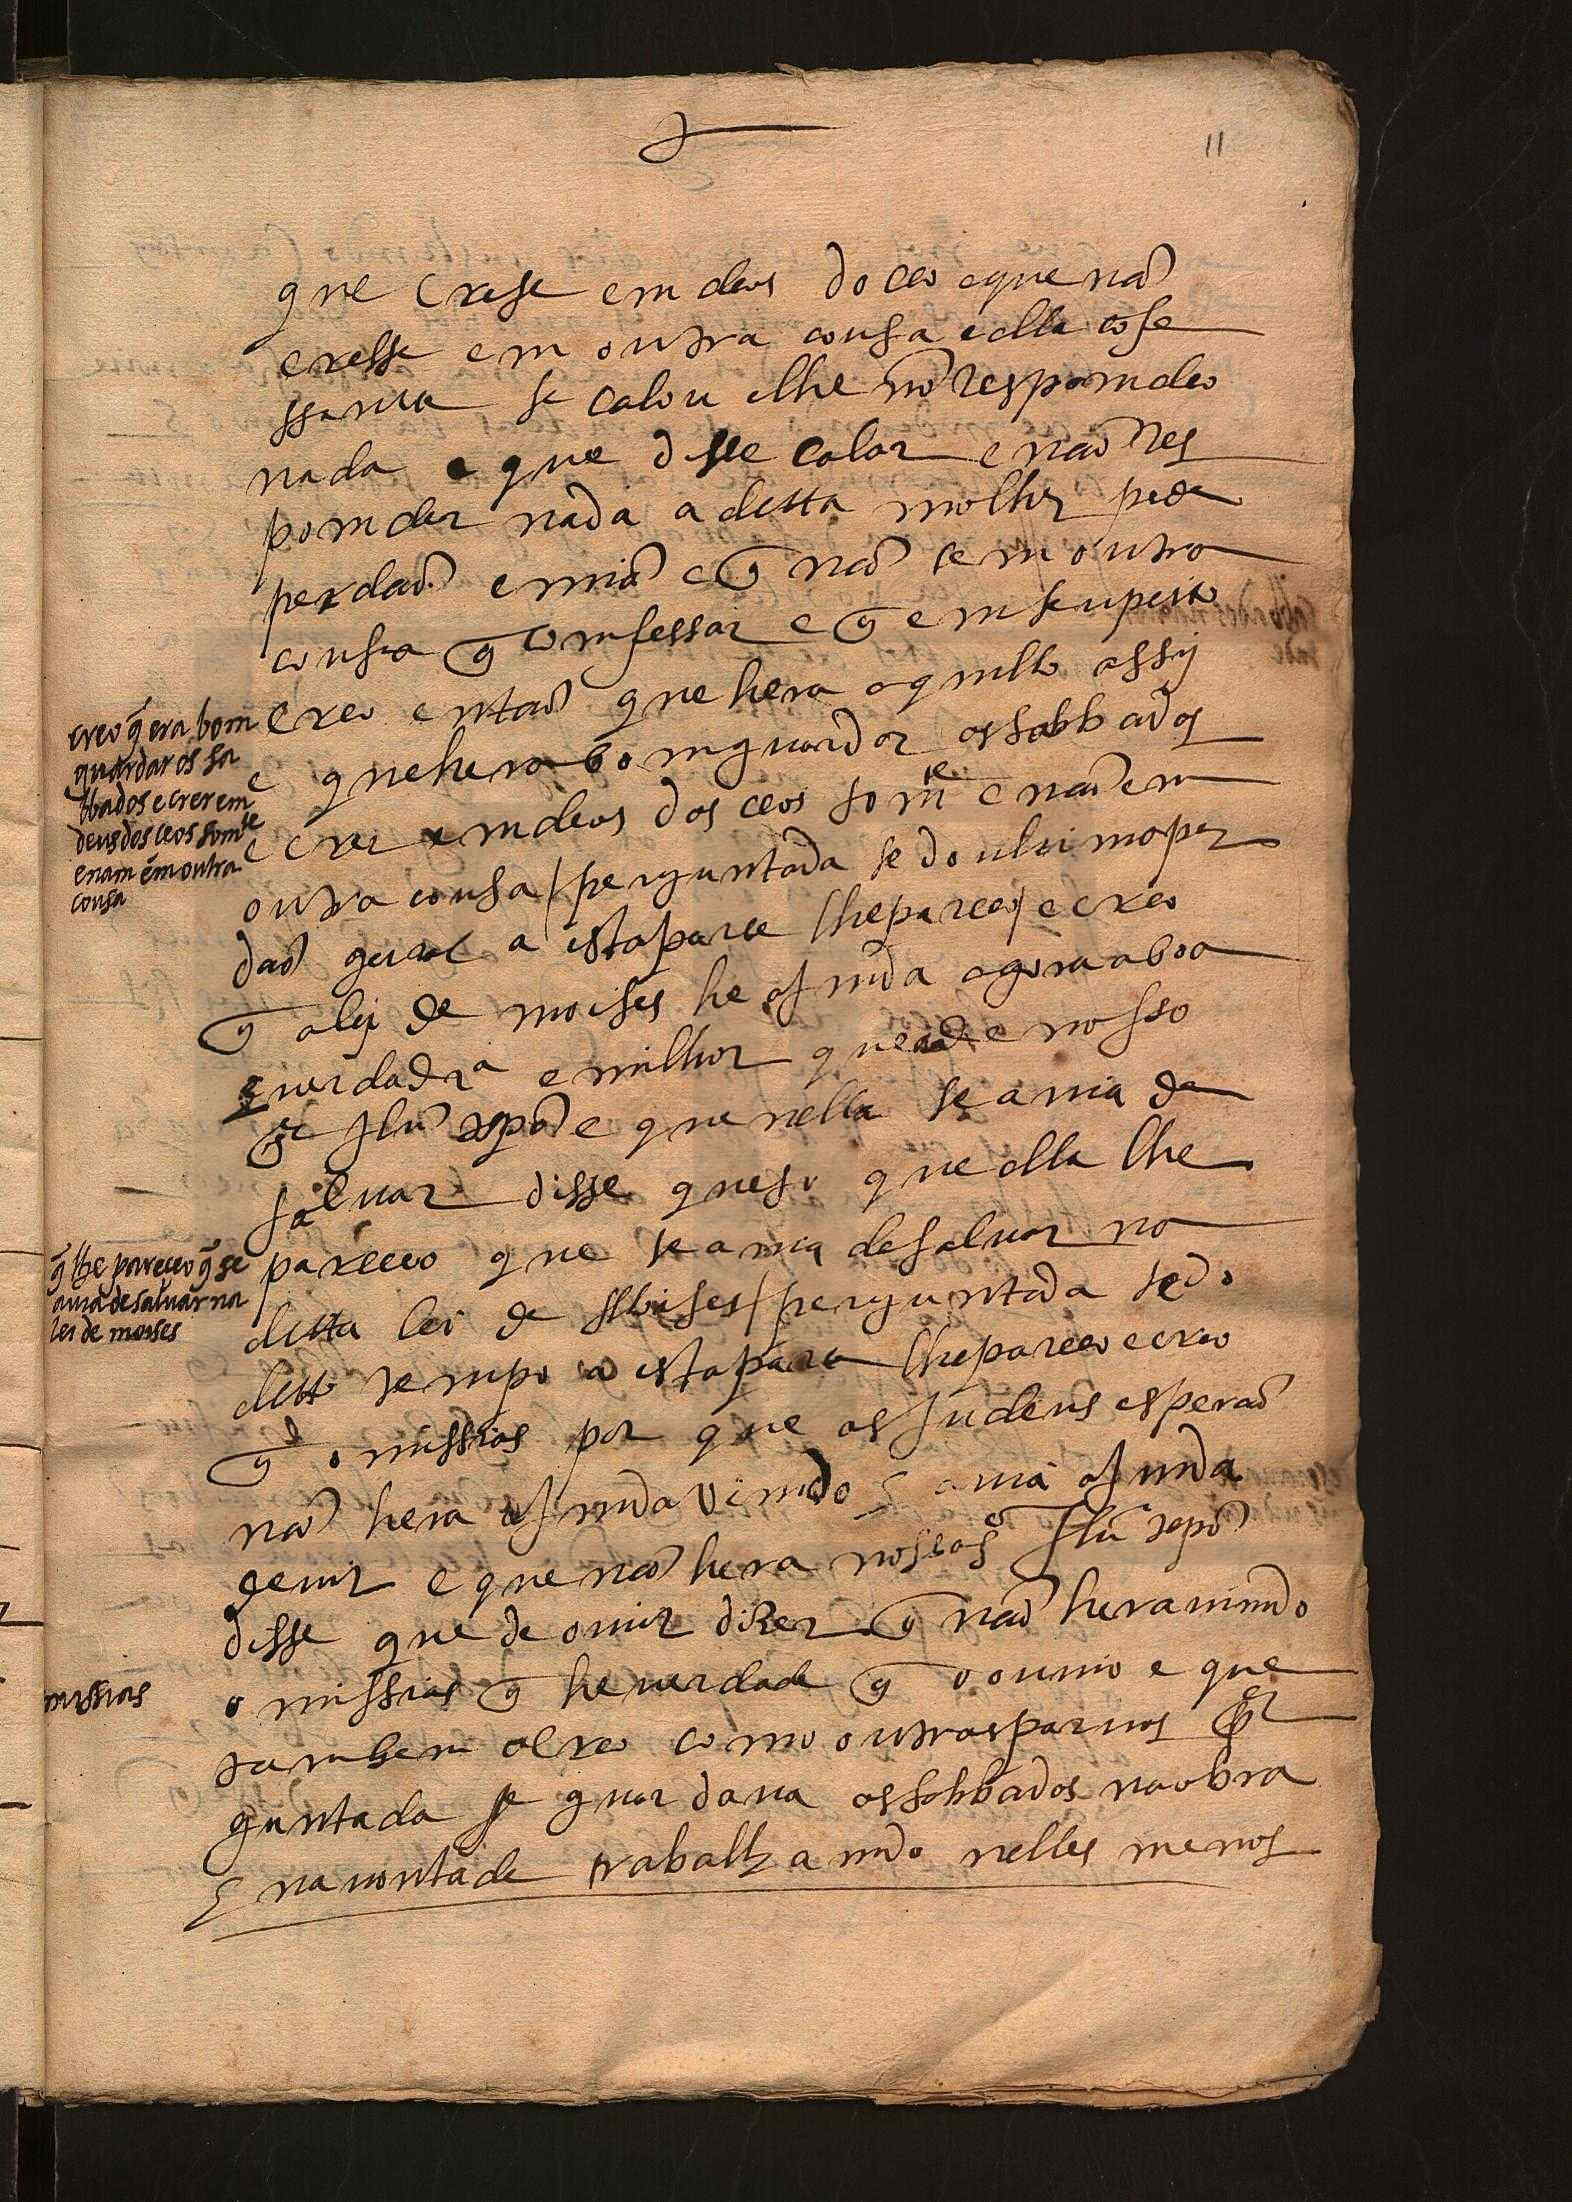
creo q̄ era bom
guardar os sa
bbados e crer em
deus dos çeos somte
e nam em outra
cousa
q̄ lhe pareçeo q̄ se
auia de saluar na
lei de moises
missias
que crese em deos do ceo e que naõ
cresse em outra cousa e ella cōfe
ssamte se calou e lhe nō respomdeo
nada e que disse calar e naõ res
pomder nada a ditta molher pede
perdaõ e miā e q̄ naõ tem outra
coussa q̄ comfessar e q̄ em seu peito
creo entaõ que hera aquillo assy
e que hera bom guardar os sabbados
e crer em deos dos ceos somte e não em
outra cousa (perguntada se do ultimo per
daõ geral a esta parte lhe parceo) e creo
q̄ a lej de moises he ajmda agora a boa
E uerdadra e milhor que a de nosso
sor Jhū xpō e que nella se auia de
saluar disse que se que ella lhe
pareceo que se auia de saluar na
ditta lei de Moises (perguntada se do
ditto tempo a esta parte lhe parceo e creo
q̄ o missias por que os Judeus esperaõ
naõ hera aJmda vimdo E auia aJmda
de uir e que naõ hera nosso sor Jhū xpō
disse que de ouuir dizer q̄ naõ hera uimdo
o missias q̄ he uerdade q̄ o ouuio e que
tambem o creo como outras paruas p̄er
guntada se guardaua os sabbados na obra
E na uontade trabalhamdo nelles menos
